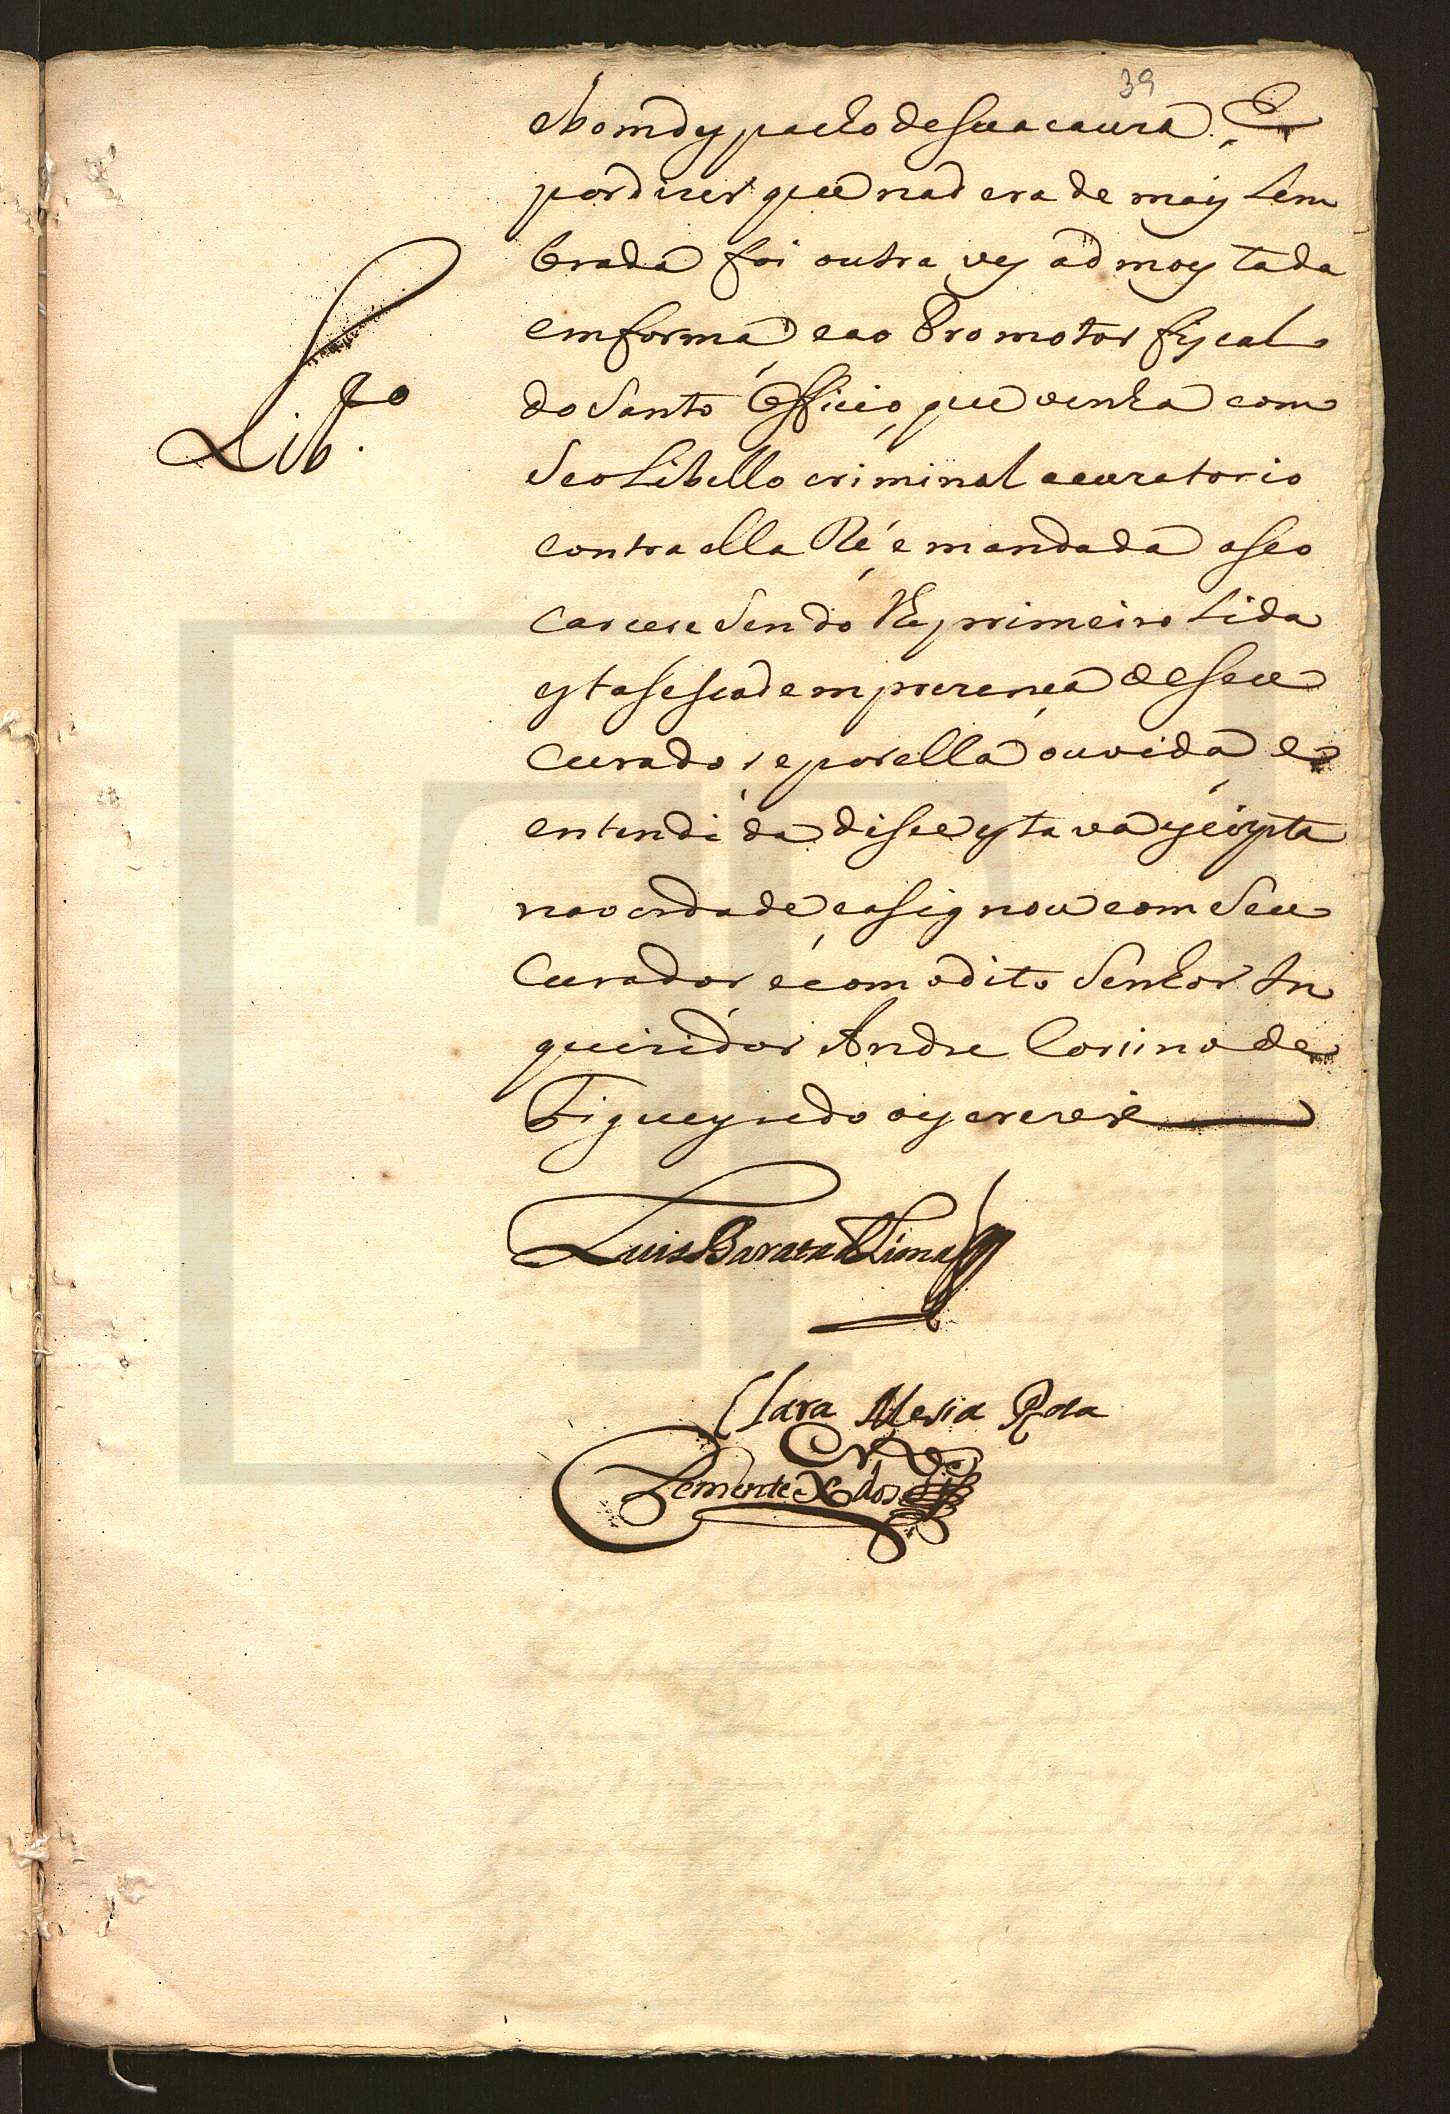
Lib.o
e bom despacho de sua cauza, E
por dizer que naõ era de mais Lem
brada foi outra ves admoestada
em forma, e ao Promotor fiscal
do Santo Officio, que vinha com
seo Libello criminal acuzatorio
contra ella Ré, e mandada a seo
carcere sendo lhe primeiro Lida
esta sessaõ em prezença de seu
curador e por ella ouvida, e
entendida disse estava escripta
na verdade e asignou com Seu
Curador, e com o dito Senhor In
quizidor Andre Corsino de
Figueyredo o escrevi
